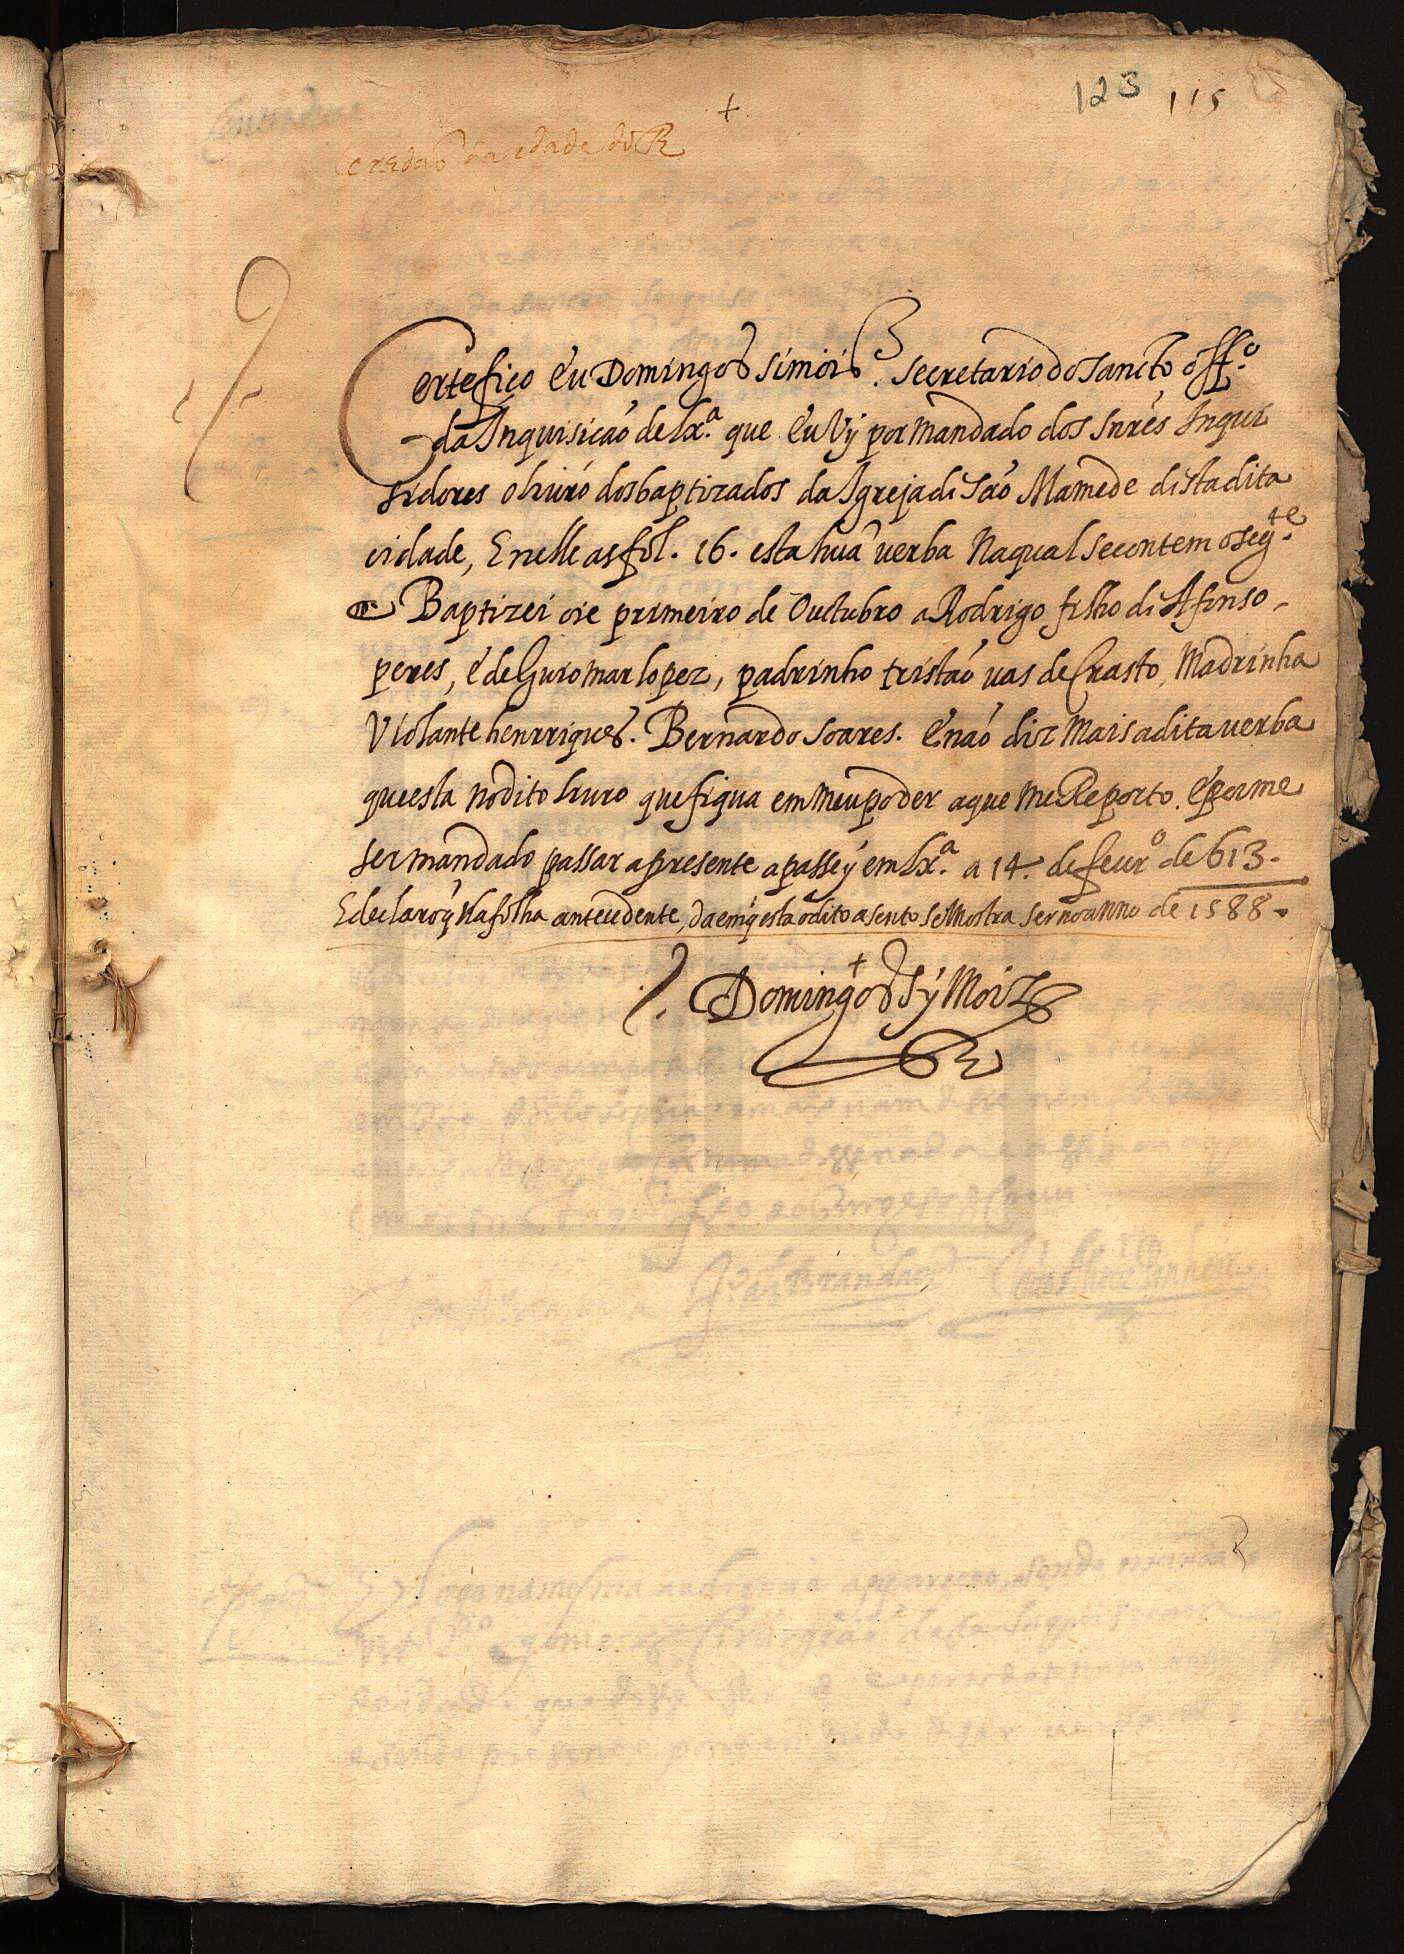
115
Certidaõ da idade do R
Certefico eu Domingos simois secretario do sancto off.o
da Inquisição de lx.a que eu vy por mandado dos snrēs Inqui
sidores o liuro dos baptizados da Igreja de Saõ Mamede desta dita
cidade, E nelle as fol. 16. esta huā uerba na qual se contem o seg.te
e Baptizei oie primeiro de Outubro a Rodrigo filho de Afonso
peres, e de Guiomar lopez, padrinho tristaõ uas de Crasto madrinha
Violante henrriques. Bernardo soares. E naõ diz mais a dita uerba
que esta no dito liuro que fiqua em meu poder a que me Reporto E por me
ser mandado passar a presente a passey em lx.a a 14. de feuro de 613.
E declaro q̄ na folha antecedente, da em q̄ esta o dito asento se Mostra ser no anno de 1588.
Domingos symois
